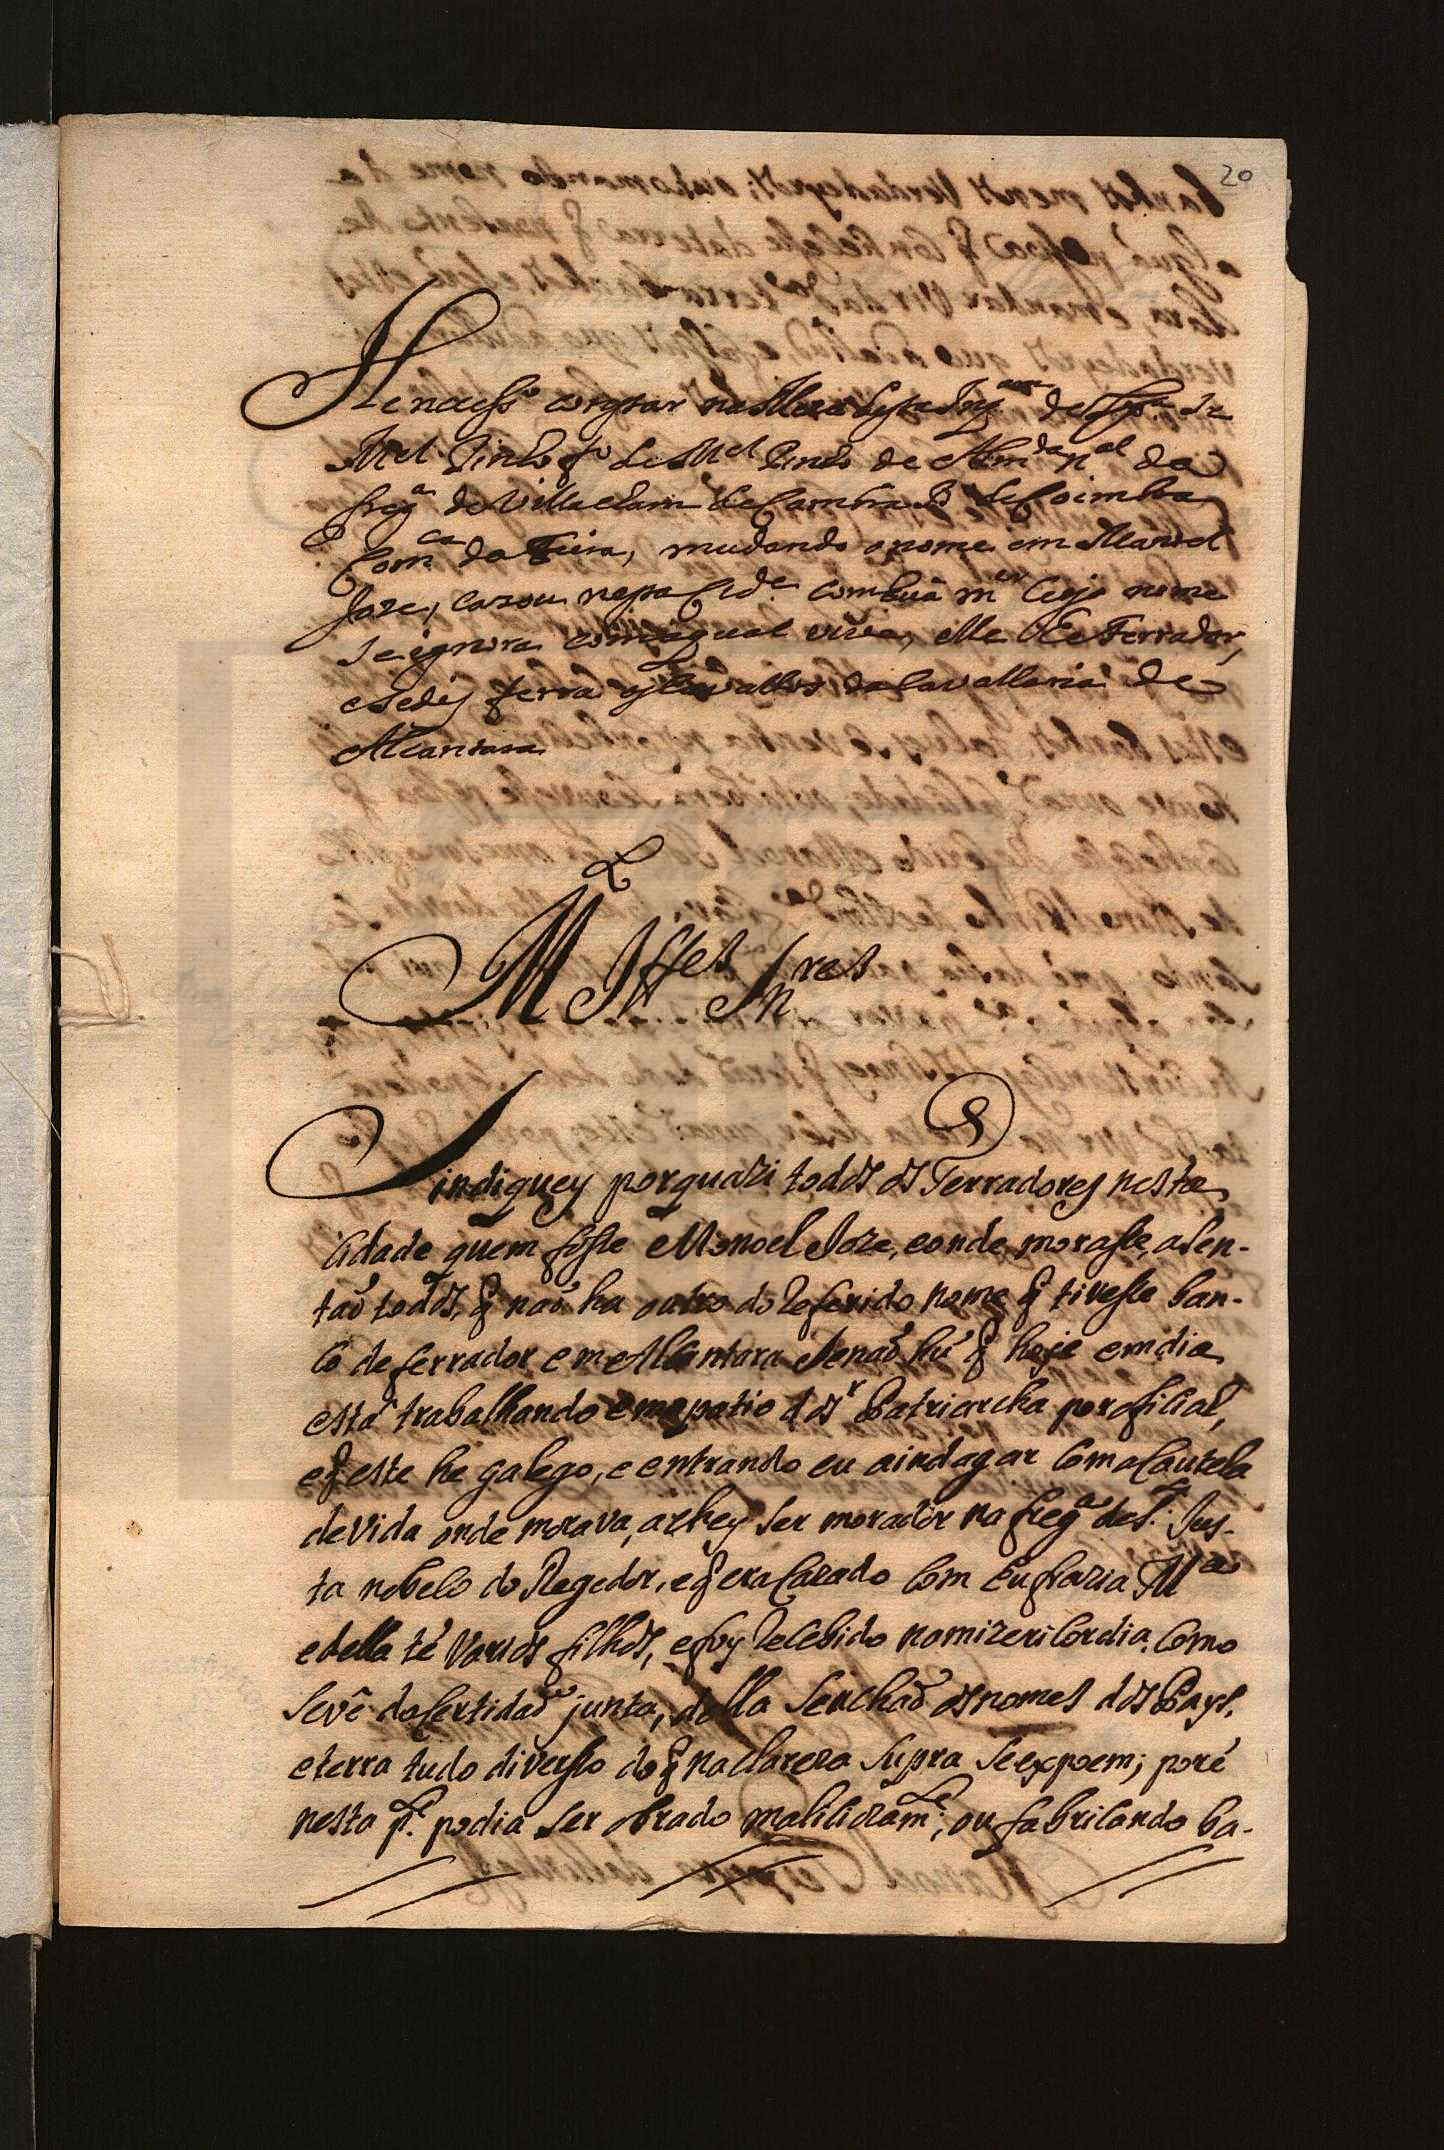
He necesso constar na Meza desta Inq.am de Lx.a se
Mel Pinho fo de M.el Pinho de Almda n.al da
freg.a de villa cham de Cambra Bo de Coimbra
Comca da Feira, mudando o nome em Manoel
Joze, cazou nesta Cid.e com huā mer cuyo nome
se ignora com a qual vive, elle he Ferrador,
e se dis ferra os cavallos da Cavallaria de
Alcantara
Mto Ilt.es Sn.res
Sindiquey por quazi todos os Ferradores nesta
Cidade quem fosse Manoel Ioze, e onde morasse, asen
taõ todos, q̄ naõ ha outro do Referido nome q̄ tivesse ban
Co de ferrador em Alcantara senaõ hū q̄ hoje em dia
estâ trabalhando em o patio do sr Patriarcha por ofiCial,
e q̄ este he galego, e entrando eu a indagar Com a Cautela
devida onde morava, achey ser morador na frega de S.ta Jus
ta no beCo do Regedor, e q̄ era Cazado com Eufrazia Ma
e della tē varios filhos, e foy Recebido na mizeriCordia. Como
se vê da Certidaõ junta, della se achaõ os nomes dos Pays.
e terra tudo diversso do q̄ na clareza Supra se expoem; porē
nesta p.te podia ser obrado maliCiozamte; ou fabriCando ba
